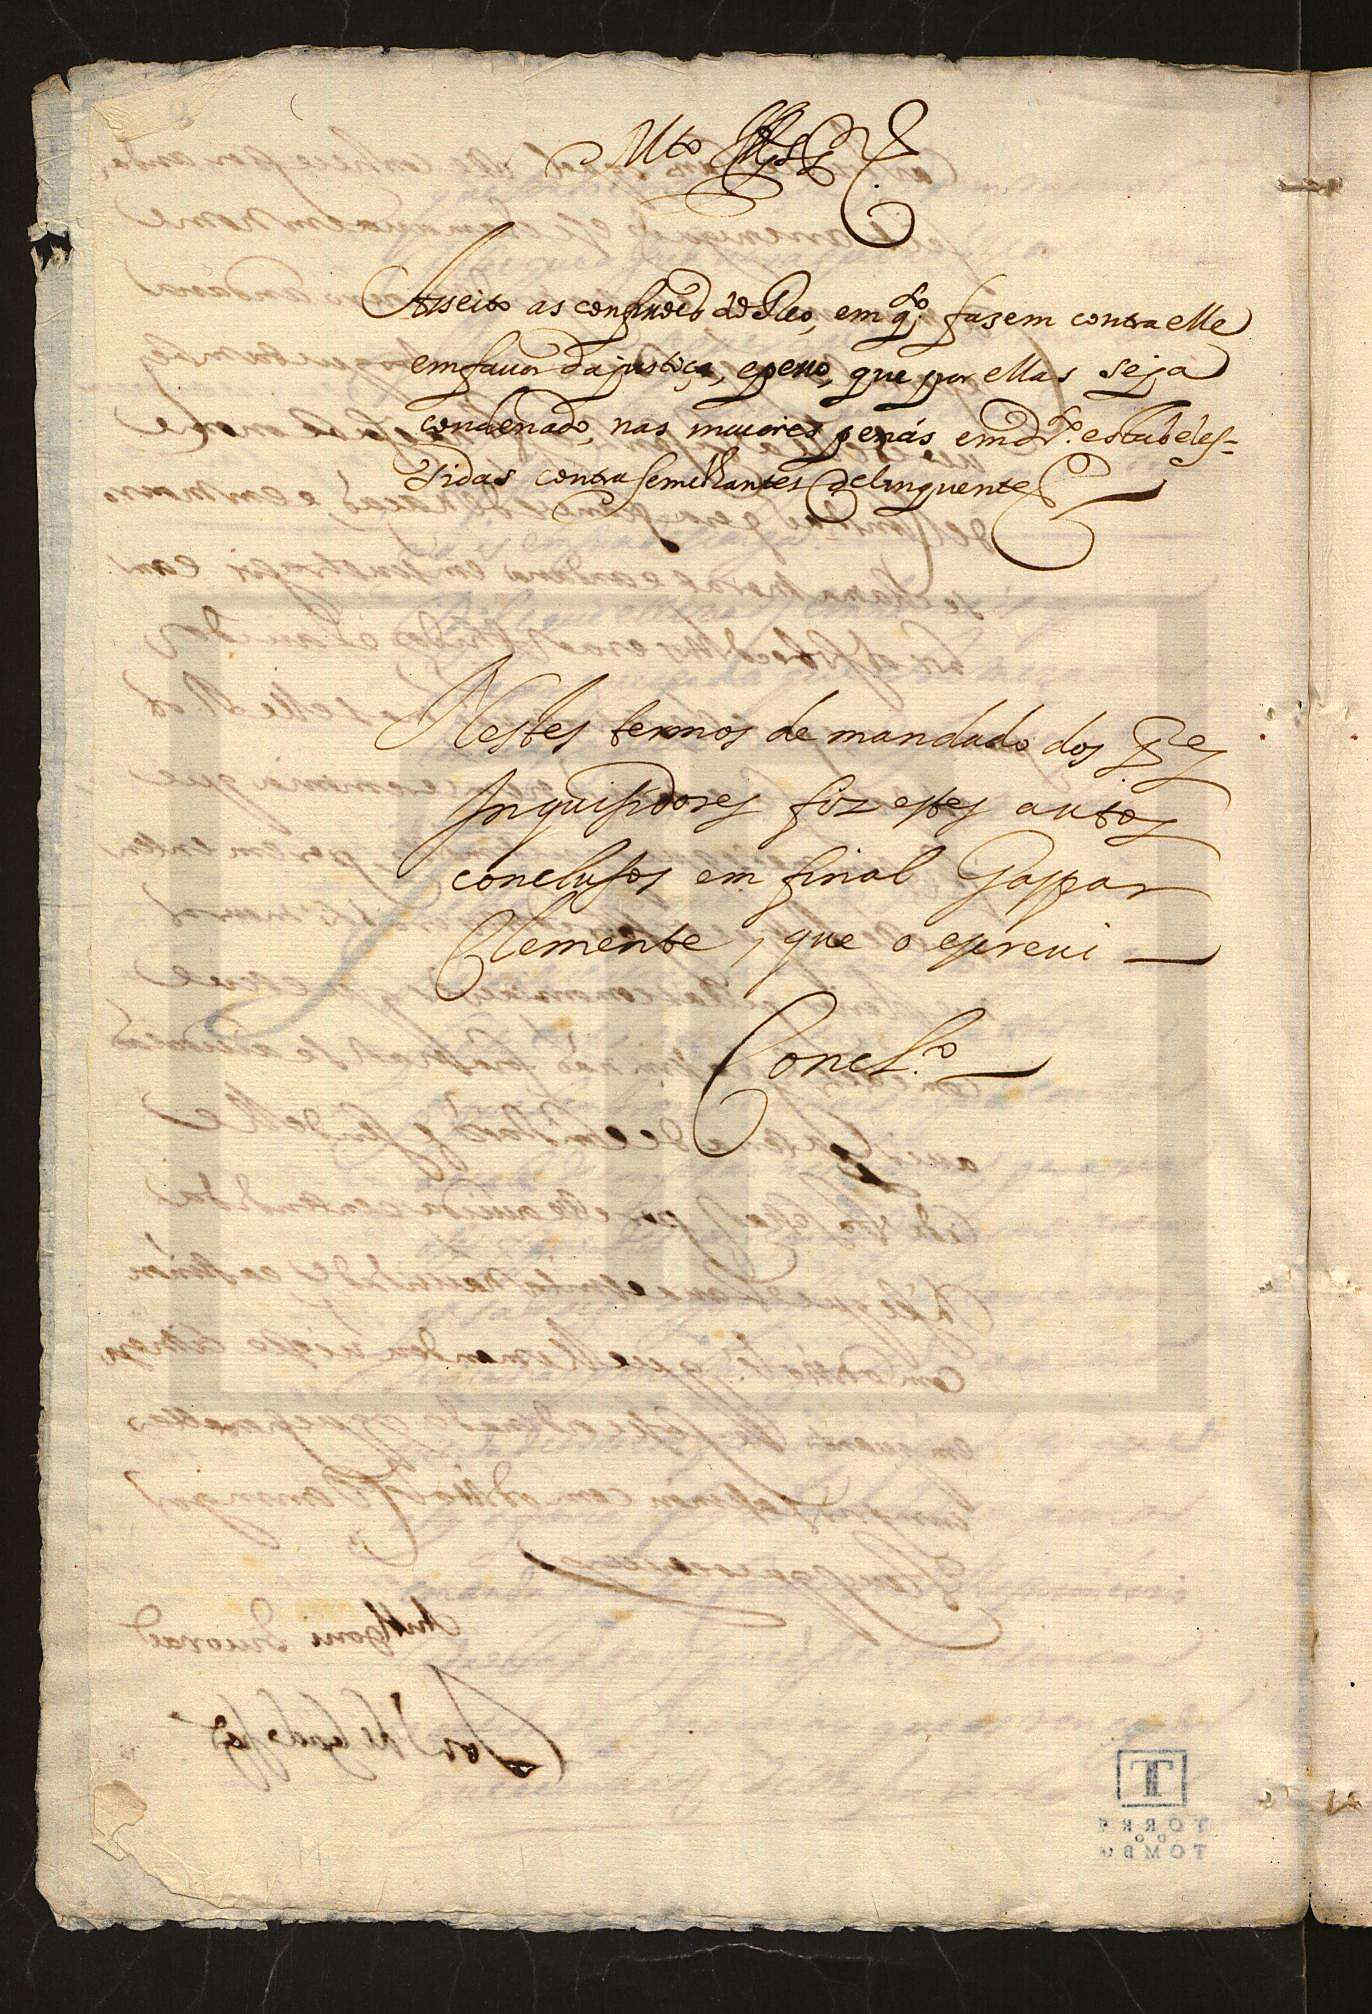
M.to Ills sres
Asseito as confissoẽs do Reo, em qto fazem contra elle
em fauor da justiça, e pesso, que por ellas seja
condenado, nas maiores penas em dr.to estabeles
sidas contra Semelhantes delinquentes
Nestes termos de mandado dos s.res
Jnquisidores fiz estes autos
conclusos em final Gaspar
Clemente, que o escreui
Concl.o
